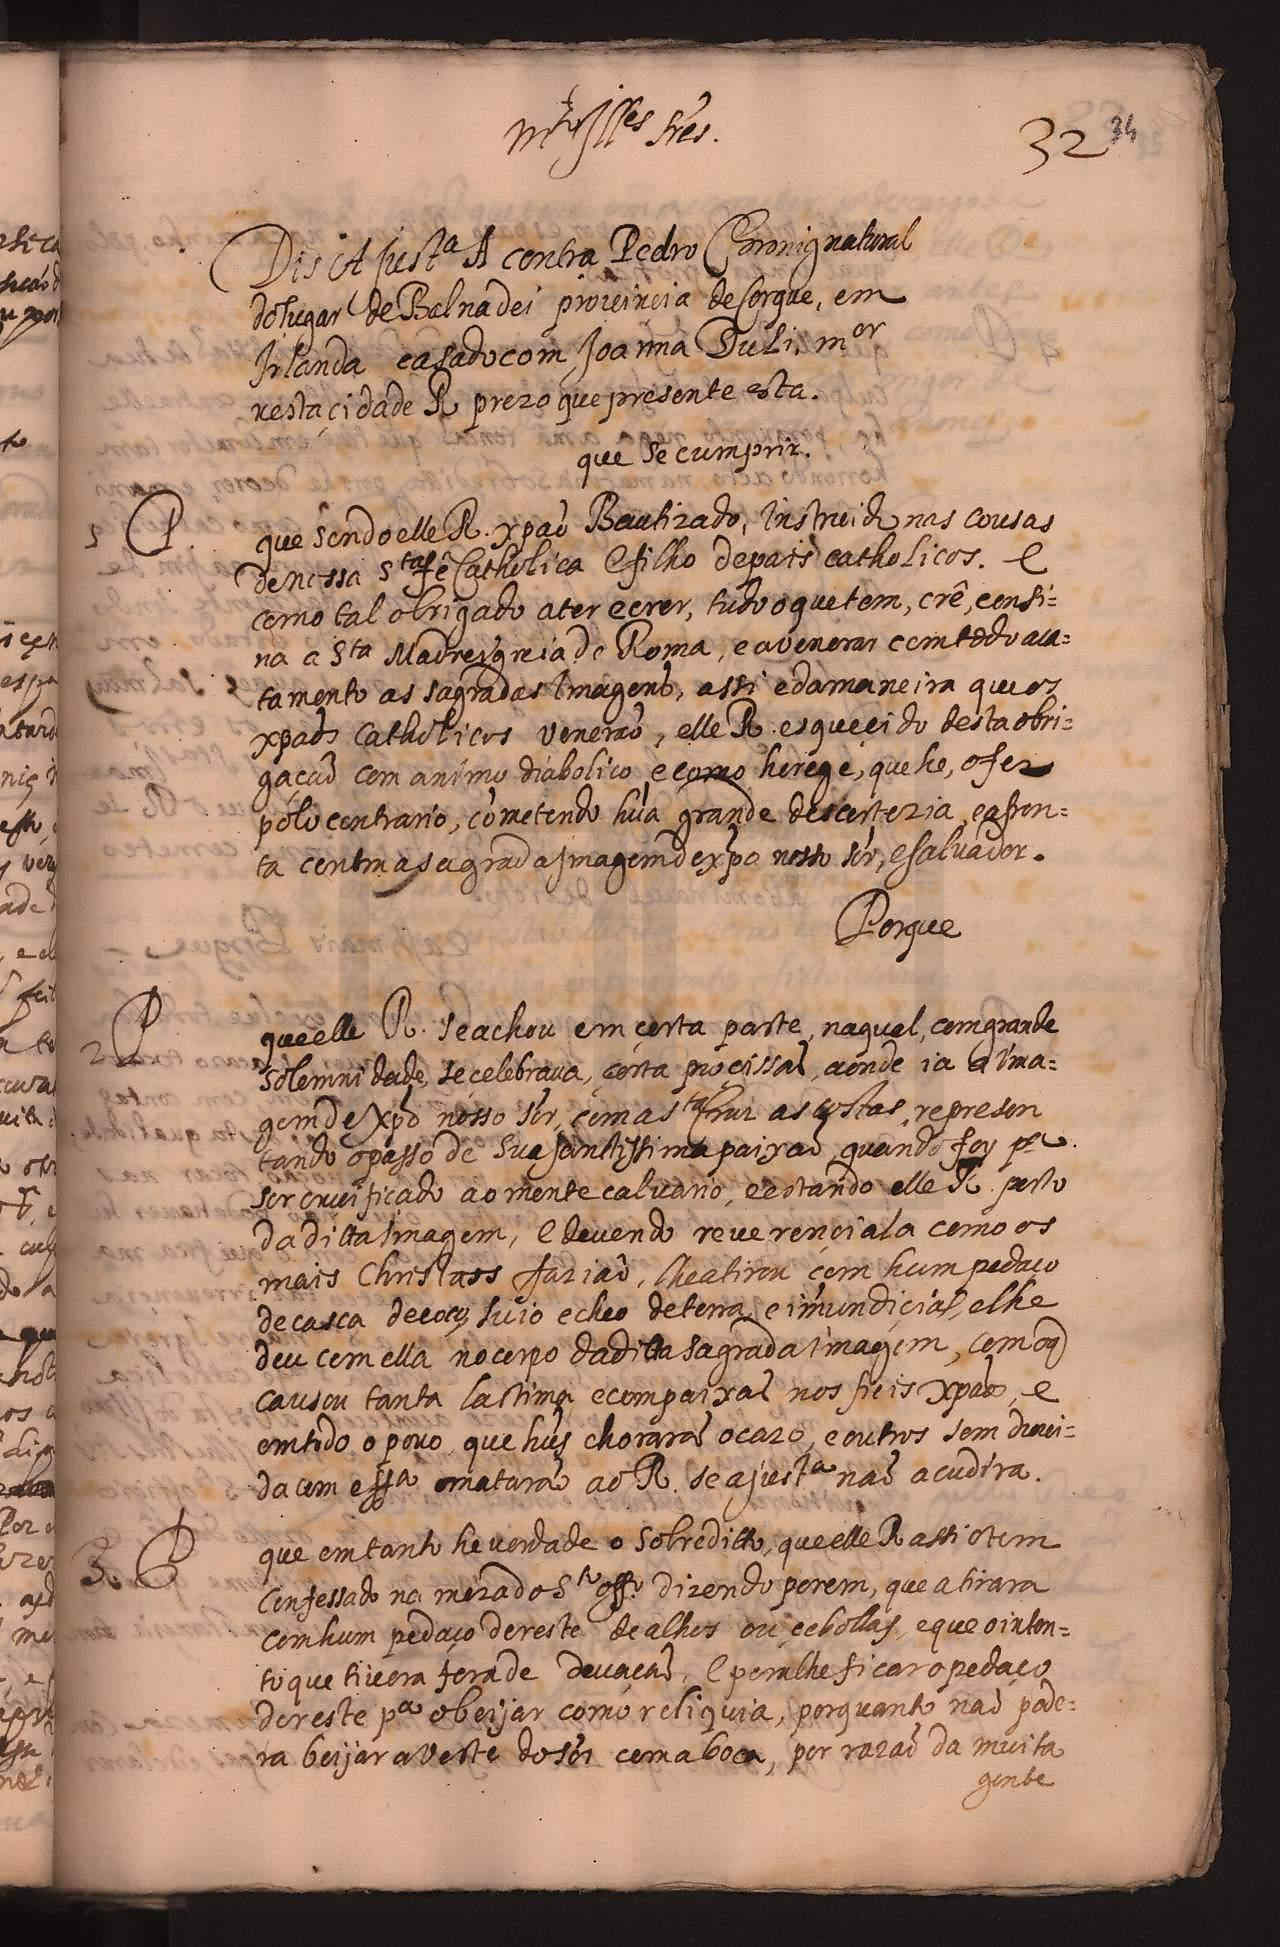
mto Jlles Srēs.
32
Dis A Justa A contra Pedro Chronig natural
do lugar de Balnadei prouincia de Corque, em
Jrlanda casado com Joanna Duli, mor
nesta çidade R prezo que presente esta.
que se cumprir.
1 P.
que sendo elle R. xpaõ Bautizado, instruido nas cousas
de nossa sta fe Catholica e filho de pais catholicos. E
como tal obrigado a ter e crer, tudo o que tem, crê, e ensi
na a Sta Madre Igreia de Roma, e a venerar com todo aca
tamento as sagradas Imagens, assi e da maneira que os
xpaõs catholicos veneraõ, elle R. esquecido desta obri
gaçaõ com animo diabolico, e como herege, que he, o fez
polo contrario, cometendo hua grande descertezia, e afron
ta contra a sagrada Jmagem de xp̄o nosso sōr, e Saluador.
Porque
2 P
que elle R. se achou em çerta parte, na qual, com grande
solemnidade se celebraua, certa procissaõ aonde ia a Ima
gem de Xpō nosso sōr, com a sta Cruz as costas, represen
tando o passo de sua Sanctissima paixaõ quando foy pa
ser crucificado ao monte caluario, e estando elle R. perto
da ditta Imagem, e deuendo reuerençiala como os
mais Christaos faziaõ, lhe atirou com hum pedaço
de casca de coco, suio e cheo de terra, e im̄undiçias, e lhe
deu com ella no corpo da ditta sagrada imagem, com o q̄
causou tanta lastima e compaixaõ nos fieis xpaõs, e
em todo o pouo que hūs chorarā o cazo, e outros sem duui
da com eff.a o matarão ao R. se a justa naõ acudira
3. P
que em tanto he uerdade o Sobreditto, que elle R assi o tem
confessado na meza do sto off.o dizendo porem, que a tirara
com hum pedaço de reste de alhos ou cebollas e que o inten
to que tiuera fora de deuaçaõ, e pera lhe ficar o pedaço
de reste pa o beijar como reliquia, porquanto naõ pode
ra beijar a veste do sōr com a boca, por razaõ da muita
gente
